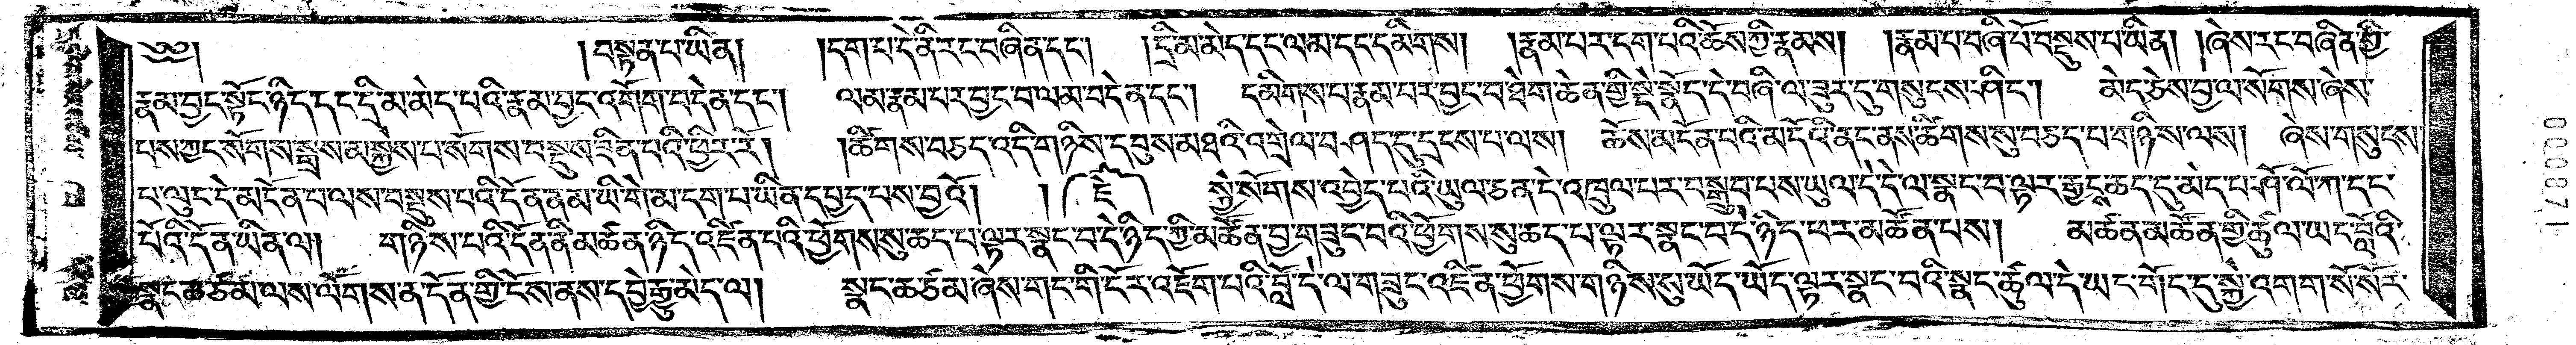༄༅། །བསྟན་པ་ཡིན། །དག་པ་དེ་ནི་རང་བཞིན་དང་། །དྲི་མ་མེད་དང་ལམ་དང་དམིགས། །རྣམ་པར་དག་པའི་ཆོས་ཀྱི་རྣམས། །རྣམ་པ་བཞི་པོ་བསྡུས་པ་ཡིན། །ཞེས་རང་བཞིན་གྱི་
རྣམ་བྱང་སྟོང་ཉིད་དང་དྲི་མ་མེད་པའི་རྣམ་བྱང་འགོག་བདེན་དང་། ལམ་རྣམ་པར་བྱང་བ་ལམ་བདེན་དང་། དམིགས་པ་རྣམ་པར་བྱང་བ་ཐེག་ཆེན་གྱི་སྡེ་སྣོད་དེ་བཞི་ལ་ཟུར་དུ་གསུངས་ཤིང་། མེད་ཅེས་བྱ་ལ་སོགས་ཞེས་
པས་ཀྱང་སོགས་སྒྲས་མ་སྐྱེས་པ་སོགས་བསྡུས་ཟིན་པའི་ཕྱིར་རོ། །ཚིགས་བཅད་འདི་གཉིས་དབུས་མཐའི་འགྲེལ་བཤད་དུ་དྲངས་པ་ལས། ཆོས་མངོན་པའི་མདོའི་ནང་ནས་ཚིགས་སུ་བཅད་པ་གཉིས་ལས། ཞེས་གསུངས་
པ་ལུང་དེ་མངོན་པ་ལས་བསྡུས་པའི་དོན་ནམ་ཡི་གེ་མ་དག་པ་ཡིན་དཔྱད་པས་བྱའོ། །༼ཇེ༽ སྐྱེ་སོགས་འབྱེད་པའི་ཡུལ་ཅན་དེ་འཁྲུལ་པར་བསྒྲུབ་པས་ཡུལ་དེ་དེ་ལ་སྣང་བ་ལྟར་རྒྱངས་ཆད་དུ་མེད་པ་ཤོ་ལོ་ཀ་དང་
པོའི་དོན་ཡིན་ལ། གཉིས་པའི་དོན་ནི་མཚན་ཉིད་འཛིན་པའི་ཕྱོགས་སུ་ཆད་པ་ལྟར་སྣང་བ་དེ་ཉིད་ཀྱི་མཚོན་བྱ་གཟུང་བའི་ཕྱོགས་སུ་ཆད་པ་ལྟར་སྣང་བ་དེ་ཉིད་ཕར་མཚོན་པས། མཚན་མཚོན་གྱི་ཚུལ་ཡང་བློའི་
སྣང་ཆ་ཙམ་ལས་ལོགས་ན་དོན་གྱི་ངོས་ནས་དབྱེ་རྒྱུ་མེད་ལ། སྣང་ཆ་ཙམ་ཞེས་གང་གི་ངོར་འཇོག་པའི་བློ་དེ་ལ་གཟུང་འཛིན་ཕྱོགས་གཉིས་སུ་ཡོད་ཡོད་ལྟར་སྣང་བའི་སྣང་ཚུལ་དེ་ཡང་གོང་དུ་སྐྱེ་འགག་སོ་སོར་